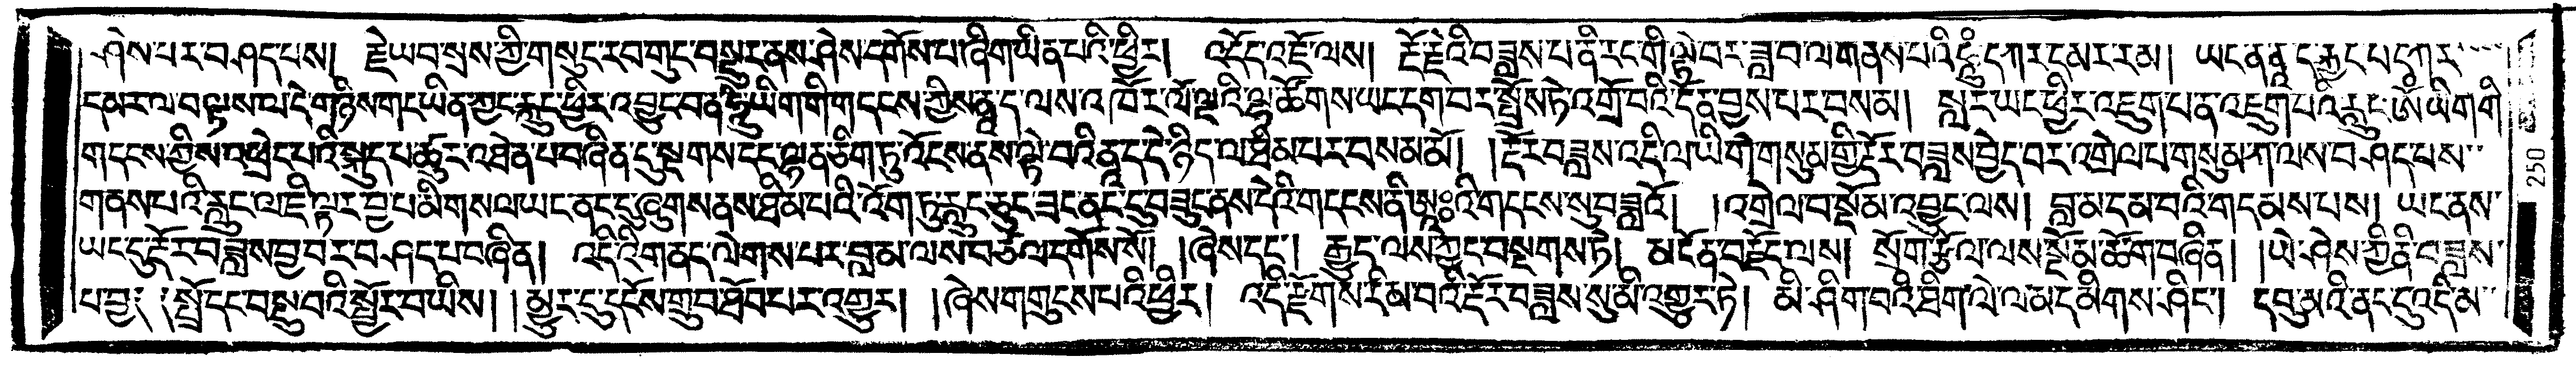ཤེས་པར་བཤད་པས། རྗེ་ཡབ་སྲས་ཀྱི་གསུང་རབ་གུང་བསྡུར་ནས་ཤེས་དགོས་པ་ཞིག་ཡིན་པའི་ཕྱིར། འདོད་འཇོ་ལས། རྡོ་རྗེའི་བཟླས་པ་ནི་རང་གི་ལྟེ་བར་ཟླ་བ་ལ་གནས་པའི་ཧཱུཾ་དཀར་དམར་རམ། ཡང་ན་ནཱ་ད་རྐྱང་པ་དཀར་
དམར་ལ་བལྟས་ལ་དེ་གཉིས་གང་ཡིན་ཀྱང་རླུང་ཕྱིར་འབྱུང་བ་ན་ཧཱུཾ་ཡིག་གི་གདངས་ཀྱིས་ནཱ་ད་ལས་འཁོར་ལོ་ལྔའི་ལྷ་ཚོགས་ཡང་དག་བར་སྤྲོས་ཏེ་འགྲོ་བའི་དོན་བྱས་པར་བསམ། སླར་ཡང་ཕྱིར་འཇུག་པ་ན་འཇུག་པའི་རླུང་ཨོཾ་ཡིག་གི་
གདངས་ཀྱིས་འཕྲེང་པའི་སྐུད་པ་ཚུར་འཐེན་པ་བཞིན་དུ་སྔགས་དང་ལྷན་ཅིག་ཏུ་འོངས་ནས་ལྟེ་བའི་ནཱ་ད་དེ་ཉིད་ལ་ཐིམ་པར་བསམ་མོ། །རྡོར་བཟླས་འདི་ལ་ཡི་གེ་གསུམ་གྱི་རྡོར་བཟླས་བྱེད་བར་འགྲེལ་པ་གསུམ་ཀ་ལས་བཤད་པས་
གནས་པའི་རླུང་ལ་ཇི་ལྟར་བྱ་པ་མི་གསལ་ཡང་ནང་དུ་ཞུགས་ནས་ཐིམ་པའི་འོག་ཏུ་རླུང་ཅུང་ཟད་ནང་དུ་བཟུང་ནས་དེའི་གདངས་ནི་ཨཱཿའི་གདངས་སུ་བཟླའོ། །འགྲེལ་བ་སྡོམ་འབྱུང་ལས། བླ་མ་དམ་བའི་གདམས་པས། ཡང་ནས་
ཡང་དུ་རྡོར་བཟླས་བྱ་བར་བཤད་པ་བཞིན། འདིའི་གནད་ལེགས་པར་བླ་མ་ལས་བཙལ་དགོས་སོ། །ཞེས་དང་། རྒྱུད་ལས་ཀྱང་བསྔགས་ཏེ། མངོན་བརྗོད་ལས། སྲོག་རྩོལ་ལས་སྡོམ་ཆོ་ག་བཞིན། །ཡེ་ཤེས་ཀྱི་ནི་བཟླས་
པ་བྱ༑ ༑སྤྲོ་དང་བསྡུ་བའི་སྦྱོར་བ་ཡིས། །མྱུར་དུ་དངོས་གྲུབ་ཐོབ་པར་འགྱུར། །ཞེས་གསུངས་པའི་ཕྱིར། འདི་རྫོགས་རིམ་བའི་རྡོར་བཟླས་སུ་མི་འགྱུར་ཏེ། མི་ཤིག་བའི་ཐིག་ལེ་ལ་མ་དམིགས་ཤིང་། དབུ་མའི་ནང་དུ་འདི་མ་